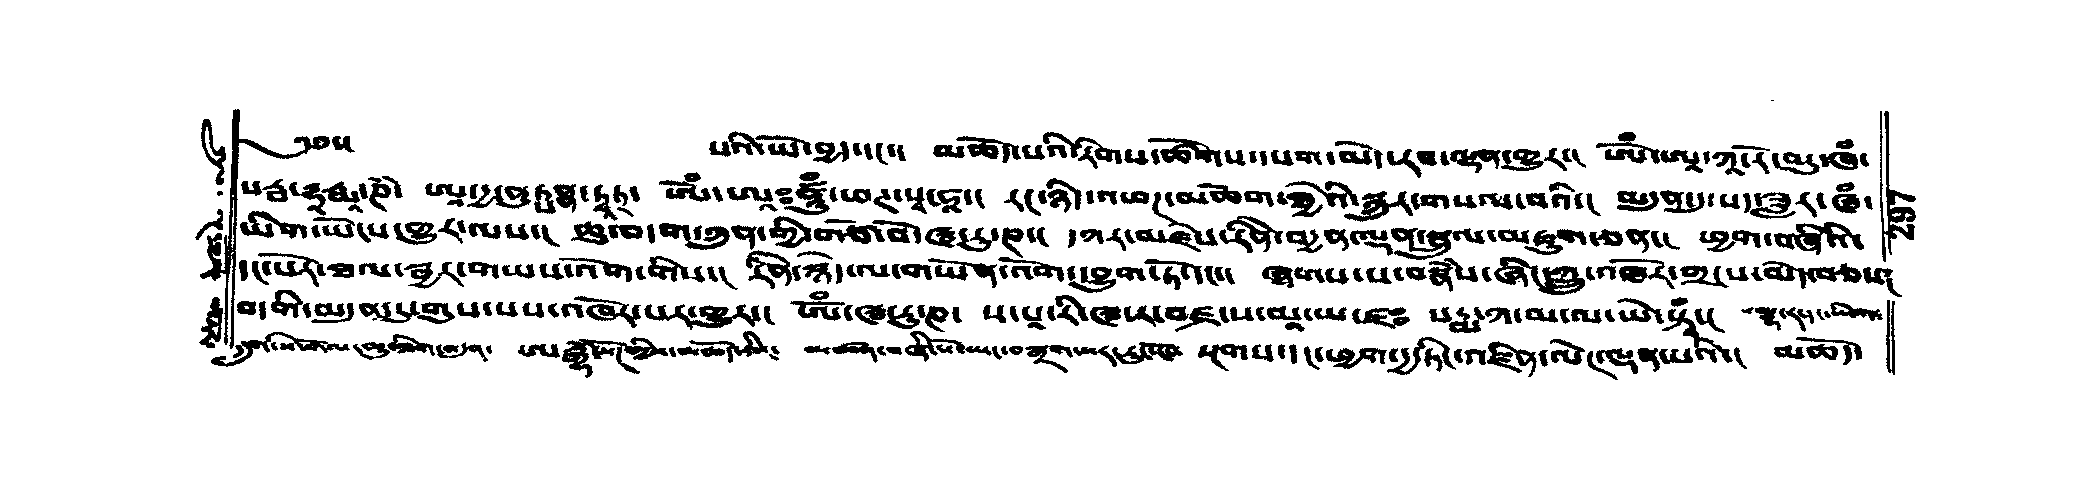པའི་ཡོ་བྱད་དང་། མཆོད་པའི་རིགས་ཚོགས་དཔག་མེད་རབ་ལྡན་གྱུར། །ཨོྃ་ཨཱ་ཀཱ་རོ་མུ་ཁཾ་
སརྦ་དྷཱརྨ་ཎཾ། ཨཱ་རྻ་ནུཏྤནྣ་ཏྭཱཏ། ཨོྃ་ཨཱཿཧཱུྃ་ཕཊ་སྭཱ་ཧཱ། རང་ཉིད་འཕགས་མཆོག་ཐུགས་རྗེ་སྐུར་གསལ་བའི། །མདུན་དུ་པད་ཟླར་ཝཾ་
ཡིག་ཡོངས་གྱུར་ལས། །ཆུ་བདག་ཀུན་གྱི་གཙོ་བོ་ཝ་རུ་ཎ། །དཀར་མཛེས་རིན་ཆེན་བརྒྱན་ལྡན་སྦྲུལ་མཇུག་ཅན། །ཕྱག་བཞིའི་
དང་པོར་ཐལ་སྦྱར་གཡས་འོག་གིས། །རིན་ཆེན་སྙེད་མ་གཡོན་འོག་དབྱུག་ཏོ་དང་། །ཞགས་པ་སྣམས་ཞིང་ཀླུ་འཁོར་གྲངས་མེད་བཅས། །
བདག་གི་མདུན་དུ་གུས་པས་འཁོར་པར་གྱུར། །ཨོྃ་ཝ་རུ་ཎ། ས་པཱ་རི་ཝ་ར་བཛྲ་ས་མཱ་ཡ་ཛ། པདྨ་ཀ་མ་ལ་ཡེ་སྟྭཾ། སམྦྷ་ར་དང་ཡིག་
དྲུག་སེ་གོལ་ཆུ་ཐིག་བདུན།ཨརྒྷཾ་སོགས་ཀྱིས་མཆོད་ཅིང་། མཚན་བཞི་པོ་ཡང་བསྒྲག་པར་རུང་ངོ་། སྔགས་དང་ཕྱག་རྒྱ་ཏིང་འཛིན་ལེགས་ལྡན་པའི། །མཆོད་